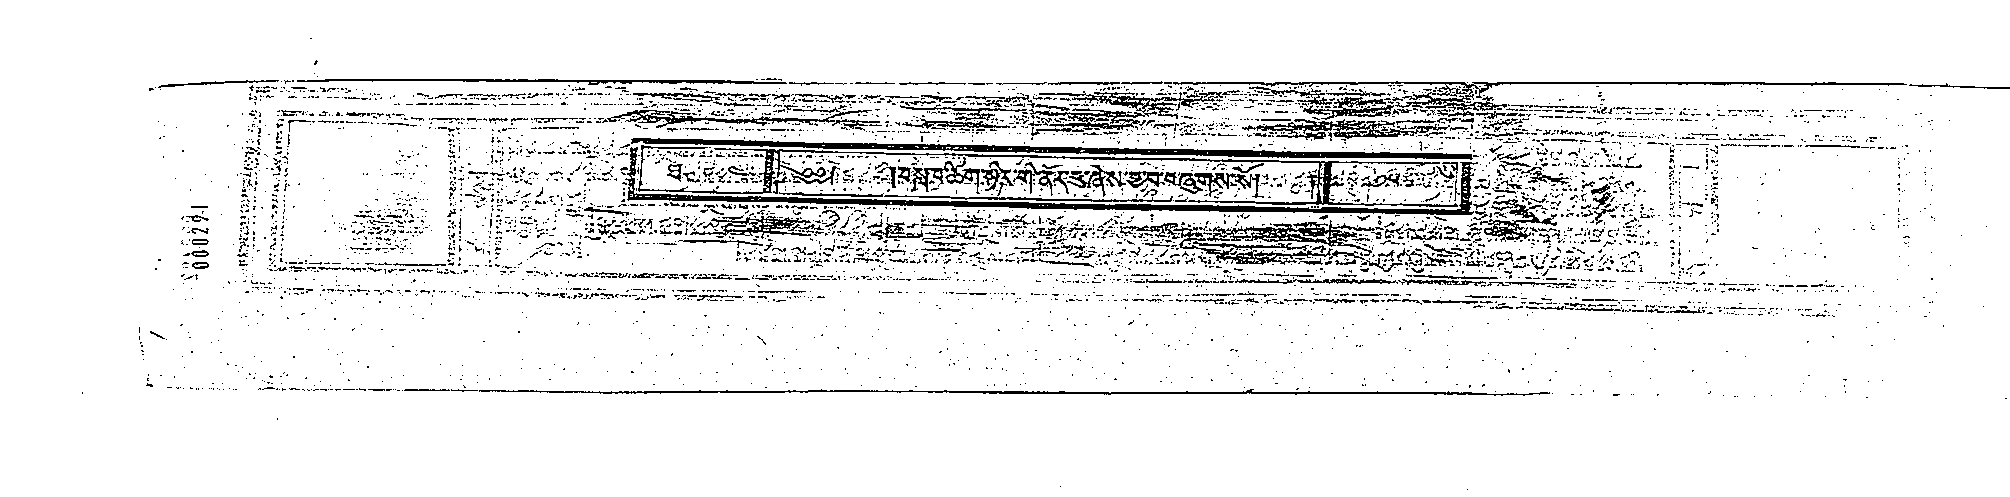༄༅། །ང༡༠?
ཐ ༤་༄༅། །བསླབ་ཚིག་སྙིང་གི་ནོར་བུ་ཞེས་བྱ་བ་བཞུགས་སོ། །